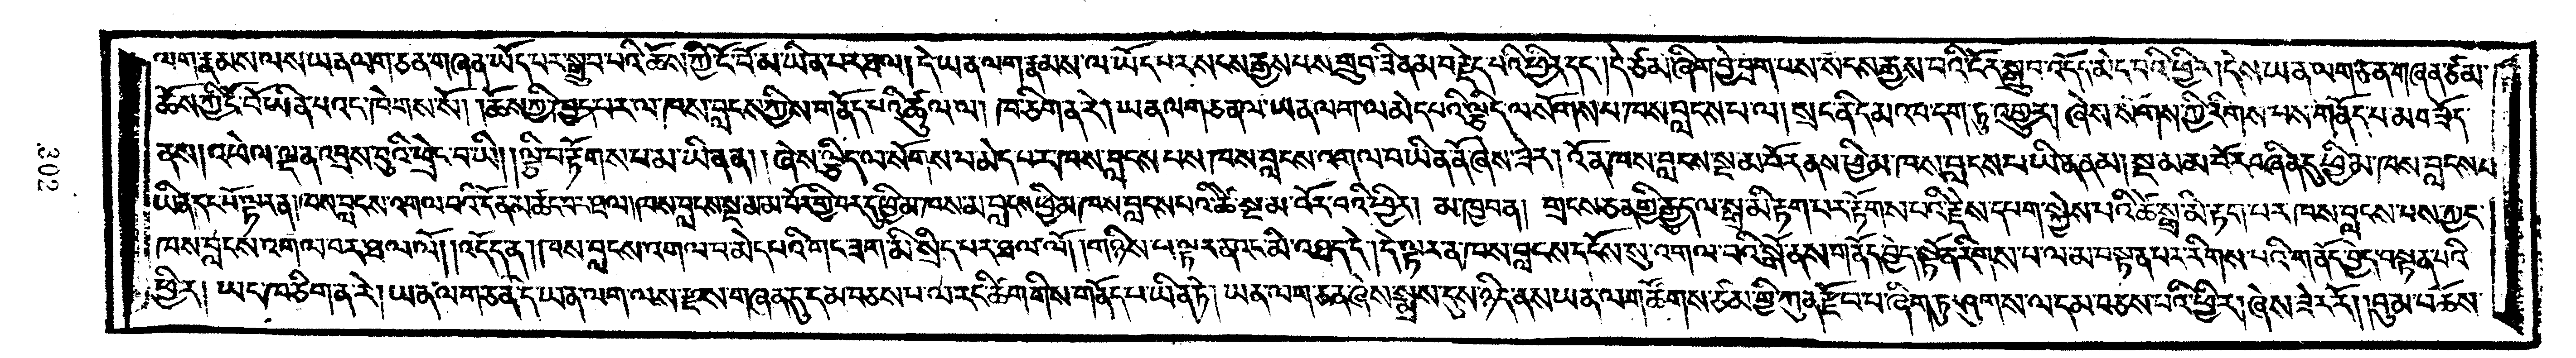ལག་རྣམས་པས་ཡན་ལག་ཅན་གཞན་ཡོད་པར་སྒྲུབ་པའི་ཆོས་ཀྱི་ངོ་བོ་མ་ཡིན་པར་ཐལ། དེ་ཡན་ལག་རྣམས་ལ་ཡོད་པར་སངས་རྒྱས་པས་གྲུབ་ཟིན་མ་བརྗེད་པའི་ཕྱིར་དང་། དེ་ཙམ་ཞིག་བྱེ་བྲག་པས་སངས་རྒྱས་པའི་ངོར་སྒྲུབ་འདོད་མེད་པའི་ཕྱིར། དེས་ཡན་ལག་ཅན་གཞན་ཙམ་
ཆོས་ཀྱི་ངོ་བོ་ཡིན་པའང་ཁེགས་སོ། །ཆོས་ཀྱི་ཁྱད་པར་ལ་ཁས་བླངས་ཀྱིས་གནོད་པའི་ཚུལ་ལ། ཁ་ཅིག་ན་རེ། ཡན་ལག་ཅན་ལ་ཡན་ལག་ལ་མེད་པའི་ལྕིད་ལ་སོགས་པ་ཁས་བླངས་པ་ལ། སྲང་ནི་དམའ་བ་དག་ཏུ་འགྱུར་།ཞེས་སོགས་ཀྱི་རིགས་པས་གནོད་པ་མ་བཟོད་
ནས༑ འཕེལ་ལྡན་འབྲས་བུའི་ཕྲེང་བ་ཡི། །ལྕི་པ་རྟོགས་པ་མ་ཡིན་ན། །ཞེས་ལྕིད་ལ་སོགས་པ་མེད་པར་ཁས་བླངས་པས་ཁས་བླངས་འགལ་བ་ཡིན་ནོ་ཞེས་ཟེར། འོ་ན་ཁས་བླངས་སྔ་མ་བོར་ནས་ཕྱི་མ་ཁས་བླངས་པ་ཡིན་ནམ། སྔ་མ་མ་བོར་བཞིན་དུ་ཕྱི་མ་ཁས་བླངས་པ་
ཡིན། དང་པོ་ལྟར་ན། ཁས་བླངས་འགལ་བའི་དོན་མ་ཚང་བར་ཐལ། ཁས་བླངས་སྔ་མ་མ་བོར་གྱི་བར་དུ་ཕྱི་མ་ཁས་མ་བླངས་ཕྱི་མ་ཁས་བླངས་པའི་ཚེ་སྔ་མ་བོར་བའི་ཕྱིར། མ་ཁྱབ་ན། གྲངས་ཅན་གྱི་རྒྱུད་ལ་སྒྲ་མི་རྟག་པར་རྟོགས་པའི་རྗེས་དཔག་སྐྱེས་པའི་ཚེ་སྒྲ་མི་རྟག་པར་ཁས་བླངས་པས་ཀྱང་
ཁས་བླངས་འགལ་བར་ཐལ་ལོ། །འདོད་ན། ཁས་བླངས་འགལ་བ་མེད་པའི་གང་ཟག་མི་སྲིད་པར་ཐལ་ལོ། །གཉིས་པ་ལྟར་ནའང་མི་འཐད་དེ། དེ་ལྟར་ན་ཁས་བླངས་དངོས་སུ་འགལ་བའི་སྒོ་ནས་གནོད་བྱེད་སྟོན་རིགས་པ་ལ་མ་བསྟན་པར་རིགས་པའི་གནོད་བྱེད་བསྟན་པའི་
ཕྱིར། ཡང་ཁ་ཅིག་ན་རེ། ཡན་ལག་ཅན་དེ་ཡན་ལག་ལས་རྫས་གཞན་དུ་དམ་བཅས་པ་ལ་རང་ཚིག་གིས་གནོད་པ་ཡིན་ཏེ། ཡན་ལག་ཅན་ཞེས་སྨྲས་དུས་ཉིད་ནས་ཡན་ལག་ཚོགས་ཙམ་གྱི་ཀུན་རྫོབ་པ་ཞིག་ཏུ་ཤུགས་ལ་དམ་བཅས་པའི་ཕྱིར། ཞེས་ཟེར་རོ། །བུམ་པ་ཆོས་